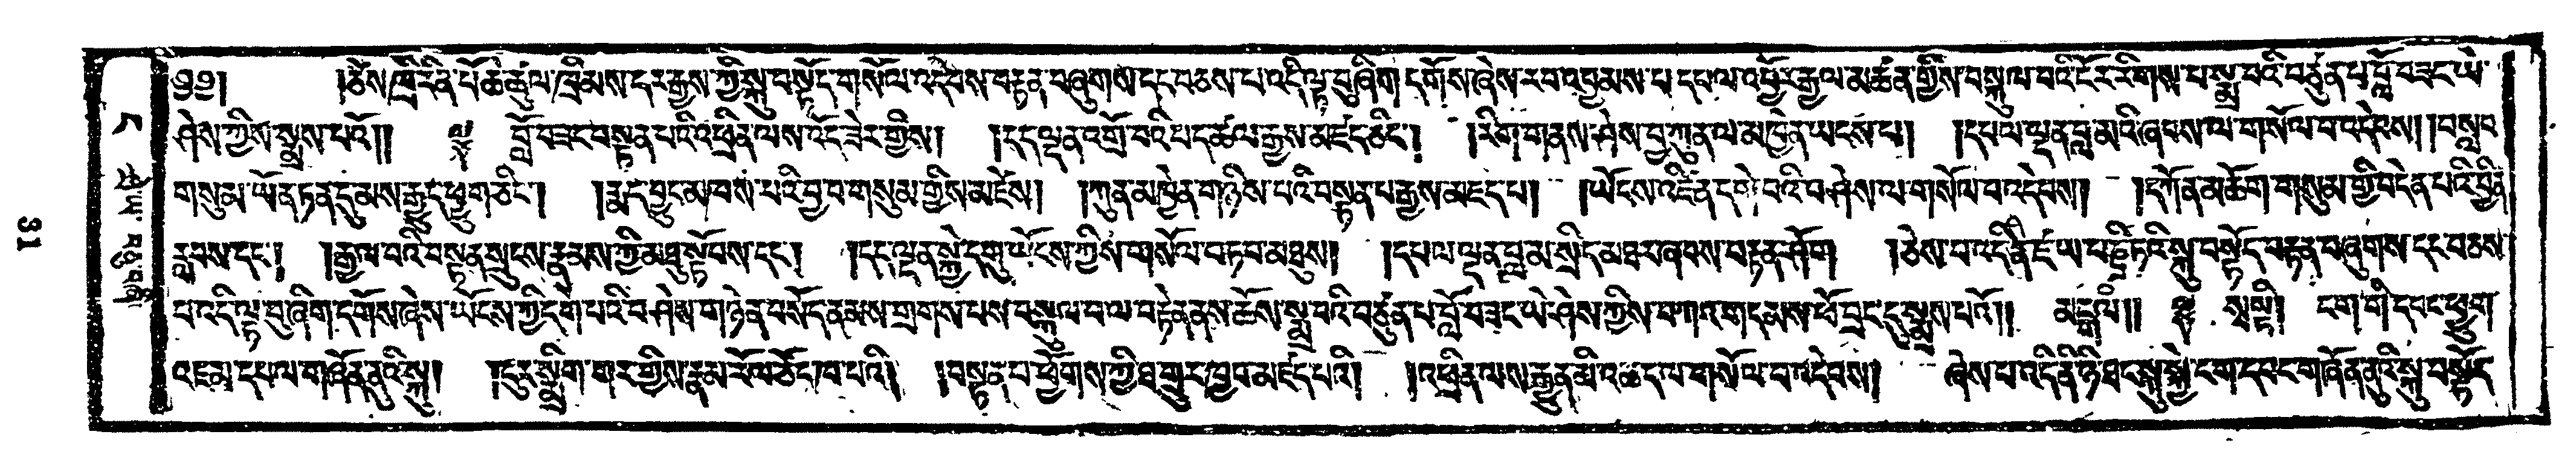༄༅། །ཅེས་ཁྲི་རིན་པོ་ཆེ་ཚུལ་ཁྲིམས་དར་རྒྱས་ཀྱི་སྐུ་བསྟོད་གསོལ་འདེབས་བརྟན་བཞུགས་དང་བཅས་པ་འདི་ལྟ་བུ་ཞིག་དགོས་ཞེས་རབ་འབྱམས་པ་དཔལ་འབྱོར་རྒྱལ་མཚན་གྱིས་བསྐུལ་བའི་ངོར་རིགས་པ་སྨྲ་བའི་བཙུན་པ་བློ་བཟང་ཡེ་
ཤེས་ཀྱིས་སྨྲས་པའོ།། ༈ བློ་བཟང་བསྟན་པའི་འཕྲིན་ལས་འོད་ཟེར་གྱིས། །དད་ལྡན་འགྲོ་བའི་པད་ཚལ་རྒྱས་མཛད་ཅིང་། །རིག་གནས་ཤེས་བྱ་ཀུན་ལ་མཁྱེན་ཡངས་པ། །དཔལ་ལྡན་བླ་མའི་ཞབས་ལ་གསོལ་བ་འདེབས། །བསླབ་
གསུམ་ཡོན་ཏན་དུ་མས་རྒྱུད་ཕྱུག་ཅིང་། །རྨད་བྱུང་མཁས་པའི་བྱ་བ་གསུམ་གྱིས་མཛེས། །ཀུན་མཁྱེན་གཉིས་པའི་བསྟན་པ་རྒྱས་མཛད་པ། །ཡོངས་འཛིན་དགེ་བའི་བཤེས་ལ་གསོལ་བ་འདེབས། །དཀོན་མཆོག་གསུམ་གྱི་བདེན་པའི་བྱིན་
རླབས་དང་། །རྒྱལ་བའི་བསྟན་སྲུངས་རྣམས་ཀྱི་མཐུ་སྟོབས་དང་། །དད་ལྡན་སྐྱེ་དགུ་ཡོངས་ཀྱིས་གསོལ་བཏབ་མཐུས། །དཔལ་ལྡན་བླ་མ་སྲིད་མཐར་ཞབས་བརྟན་ཤོག །ཅེས་པ་འདི་ནི་ཛ་ཡ་པཎྜི་ཏའི་སྐུ་བསྟོད་བརྟན་བཞུགས་དང་བཅས་
པ་འདི་ལྟ་བུ་ཞིག་དགོས་ཞེས་ཡོངས་ཀྱི་དགེ་པའི་བཤེས་གཉེན་བསོད་ནམས་གྲགས་པས་བསྐུལ་བ་ལ་བརྟེན་ནས་ཆོས་སྨྲ་བའི་བཙུན་པ་བློ་བཟང་ཡེ་ཤེས་ཀྱིས་བཀའ་གདམས་ཕོ་བྲང་དུ་སྨྲས་པའོ།། མངྒལཾ།། ༈ སྭསྟི། ངག་གི་དབང་ཕྱུག་
འཇམ་དཔལ་གཞོན་ནུའི་སྐུ། །དུར་སྨྲིག་གར་གྱིས་རྣམ་རོལ་ཙོང་ཁ་པའི། །བསྟན་པ་ཕྱོགས་ཀྱི་ཐ་གྲུར་ཁྱབ་མཛད་པའི། །འཕྲིན་ལས་རྒྱུན་མི་འཆད་ལ་གསོལ་བ་འདེབས། ཞེས་པ་འདི་ནི་ཉི་ཐང་སྐུ་སྐྱེ་ངག་དབང་གཞོན་ནུའི་སྐུ་བསྟོད་